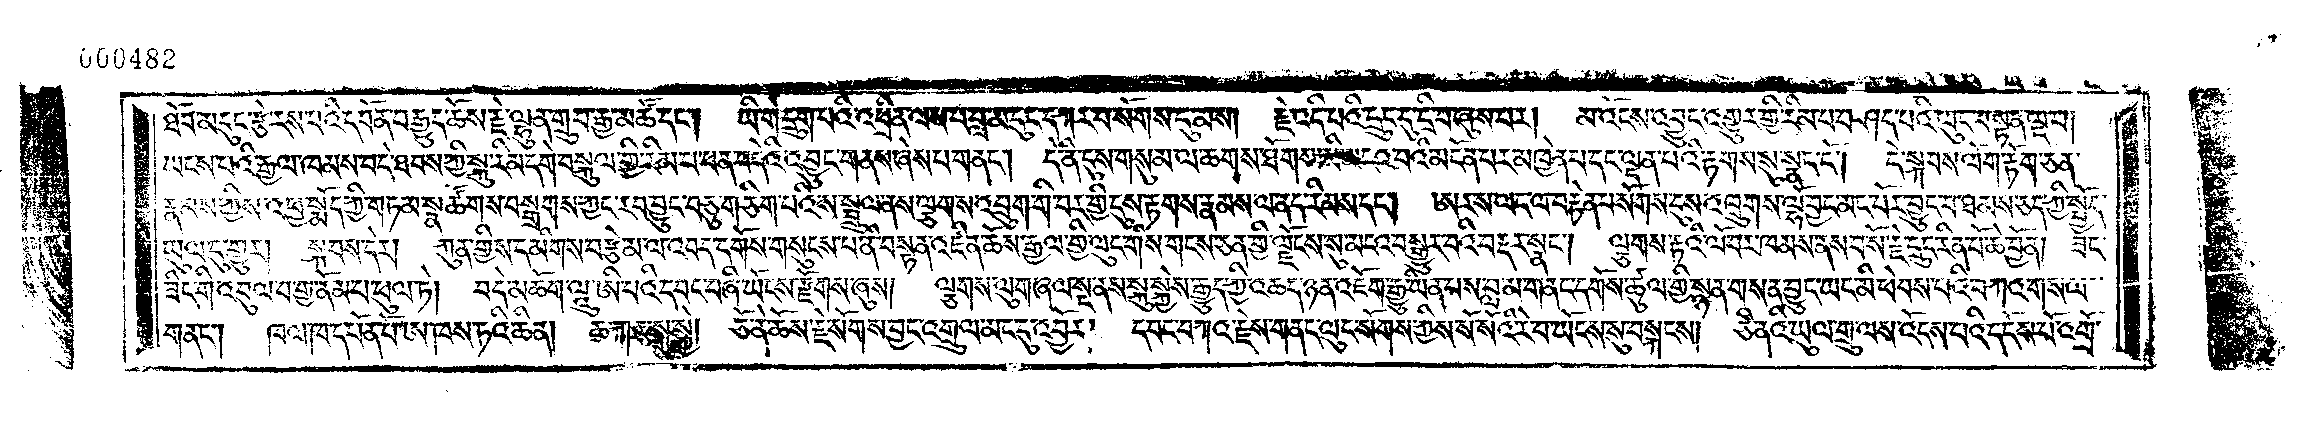ཐོབ་མདུད་རྩེ་རས་པའི་དབོན་བརྒྱུད་ཆོས་རྗེ་ལྷུན་གྲུབ་རྒྱ་མཚོ་དང་། ཡི་གེ་དྲུག་པའི་འཕྲིན་ལས་པ་བླ་མ་དུང་དཀར་བ་སོགས་དུ་མས། རྗེ་འདི་པའི་དྲུང་དུ་དྲི་བ་ཞུས་པར། མ་འོངས་འབྱུང་འགྱུར་གྱི་རིམ་པ་བཤད་པའི་ལུང་བསྟན་ལྔ་པ།
ཡངས་པའི་རྒྱལ་ཁམས་བདེ་ཐབས་ཀྱི་སྐུ་རིམ་དགེ་བསྐུལ་གྱི་རིམ་པ་ཕན་བདེའི་འབྱུང་གནས་ཞེས་པ་གནང་། དེ་ནི་དུས་གསུམ་ལ་ཆགས་ཐོགས་མི་མངའ་བའི་མངོན་པར་མཁྱེན་པ་དང་ལྡན་པའི་རྟགས་སུ་སྣང་ངོ། དེ་སྐབས་ལོག་རྟོག་ཅན་
རྣམས་ཀྱིས་འཕྱ་སྨོད་ཀྱི་གཏམ་སྣ་ཚོགས་བསྒྲགས་ཀྱང་རབ་བྱུང་བཅུ་གཅིག་པའི་ས་སྦྲུལ་ནས་ལྕགས་འབྲུག་གི་བར་གྱི་དུས་རྟགས་རྣམས་ལ་ནད་རིམས་དང་། ཨར་ས་ལང་ལ་བརྟེན་པ་སོགས་དུས་འཁྲུགས་ལྷོ་བྱང་མང་པོར་བྱུང་བ་ཐམས་ཅད་ཀྱི་སྤྱོད་
ཡུལ་དུ་གྱུར། སྐབས་དེར། ཀུན་གྱིས་དམིགས་བརྩེ་མ་ལ་འབད་དགོས་གསུངས་པ་ནི་བསྟན་འཛིན་ཆོས་རྒྱལ་གྱི་ལུང་གིས་གངས་ཅན་གྱི་ལྗོངས་སུ་མངའ་བསྒྱུར་བའི་བརྡར་སྣང་། ལྕགས་རྟའི་ལོ་བར་ཁམས་ནས་བ་སོ་རྗེ་དྲུང་རིན་པོ་ཆེ་བྱོན། ཟང་
ཟིང་གི་འབུལ་བ་གྱ་ནོམ་པ་ཕུལ་ཏེ། བདེ་མཆོག་ལཱུ་ཨི་པའི་དབང་བཞི་ཡོངས་རྫོགས་ཞུས། ལྕགས་ལུག་ཞལ་སྔ་ནས་སྐུ་སྐྱེས་རྒྱུད་ཀྱི་འཆད་ཉན་འཇོག་རྒྱུ་ཡིན་པས་བླ་མ་གནང་དགོས་ཚུལ་གྱི་སྙན་གསན་བྱུང་ཡང་མི་ཕེབས་པའི་བཀའ་གསལ་
གནང་། ཁལ་ཁ་དཔོན་པོ་ཨ་ཁས་ཏའི་ཆིན། ཆ་ཀར་སྐུ་སྐྱེ། ཅོ་ནེ་ཆོས་རྗེ་སོགས་བྱང་འགྲུལ་མང་དུ་འབྱོར། དབང་བཀའ་རྗེས་གནང་ལུང་སོགས་ཀྱིས་སོ་སོའི་རེ་བ་ཡོངས་སུ་བསྐངས། ཅི་ནའི་ཡུལ་གྲུ་ལས་འོངས་བའི་དངོས་པོ་འགྲོ་